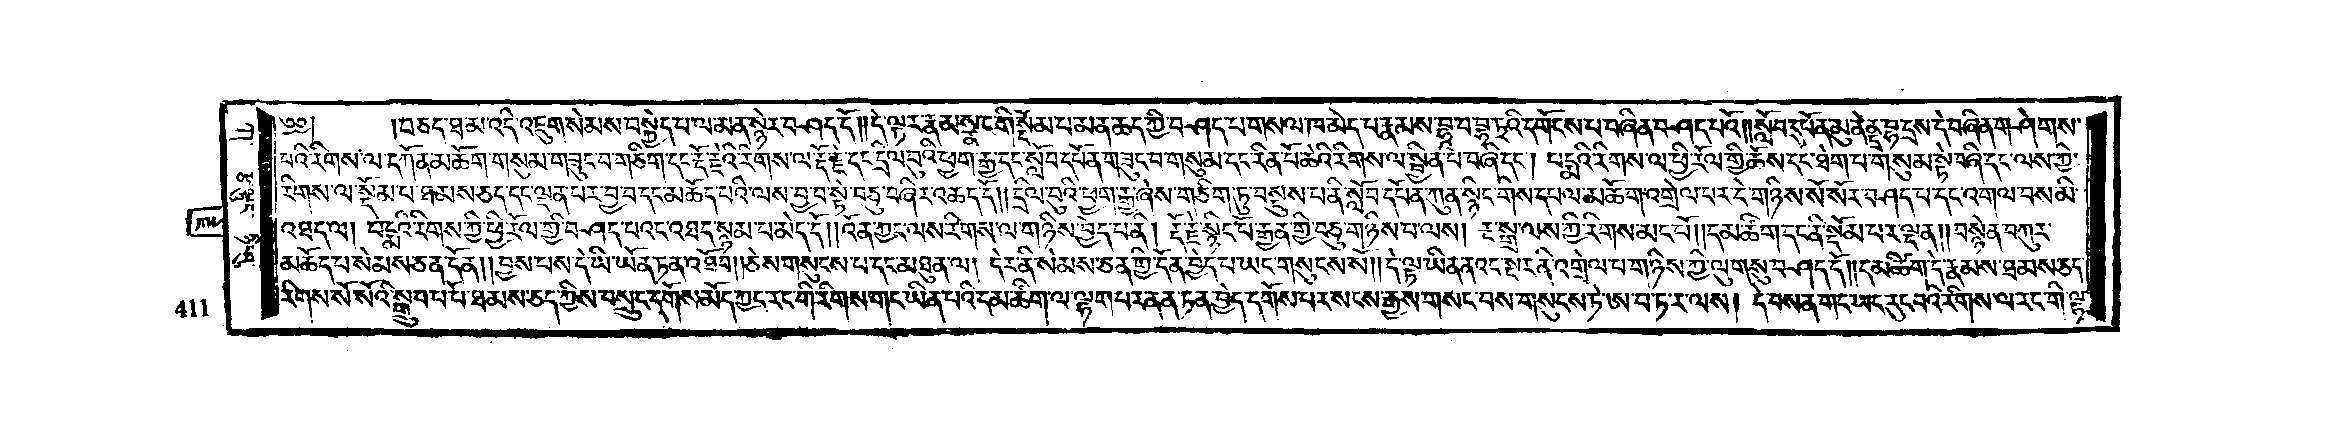༄༅། །བཅད་ཐ་མ་འདི་འཇུག་སེམས་བསྐྱེད་པ་ལ་མན་སྙེར་བཤད་དོ། །དེ་ལྟར་རྣམ་སྣང་གི་སྡོམ་པ་མན་ཆད་ཀྱི་བཤད་པ་གསལ་ཁ་མེད་པ་རྣམས་བྷཱ་བ་བྷ་ཏྲའི་དགོངས་པ་བཞིན་བཤད་པའོ། །སློབ་དཔོན་མུ་ནེ་ནྡྲ་བྷ་དྲས་དེ་བཞིན་གཤེགས་
པའི་རིགས་ལ་དཀོན་མཆོག་གསུམ་གཟུང་བ་གཅིག་དང་རྡོ་རྗེའི་རིགས་ལ་རྡོ་རྗེ་དང་དྲིལ་བུའི་ཕྱག་རྒྱ་དང་སློབ་དཔོན་གཟུང་བ་གསུམ་དང་རིན་པོ་ཆེའི་རིགས་ལ་སྦྱིན་པ་བཞི་དང་། པདམའི་རིགས་ལ་ཕྱི་རོལ་གྱི་ཆོས་དང་ཐེག་པ་གསུམ་སྟེ་བཞི་དང་ལས་ཀྱི་
རིགས་ལ་སྡོམ་པ་ཐམས་ཅད་དང་ལྡན་པར་བྱ་བ་དང་མཆོད་པའི་ལས་བྱ་བ་སྟེ་བཅུ་བཞིར་འཆད་དོ། །དྲིལ་བུའི་ཕྱག་རྒྱ་ཞེས་གཅིག་ཏུ་བསྡུས་པ་ནི་སློབ་དཔོན་ཀུན་སྙིང་གིས་དཔལ་མཆོག་འགྲེལ་པར་དེ་གཉིས་སོ་སོར་བཤད་པ་དང་འགལ་བས་མི་
འཐད་ལ། པདམའི་རིགས་ཀྱི་ཕྱི་རོལ་གྱི་བཤད་པའང་འཐད་སྙམ་པ་མེད་དོ། །འོན་ཀྱང་ལས་རིགས་ལ་གཉིས་བྱེད་པ་ནི། རྡོ་རྗེ་སྙིང་པོ་རྒྱན་གྱི་བཅུ་གཉིས་པ་ལས། རྔ་སྒྲ་ལས་ཀྱི་རིགས་མང་པོ། །དམ་ཚིག་དང་ནི་སྡོམ་པར་ལྡན། །བསྙེན་བཀུར་མཆོད་པ་སེམས་ཅན་དོན། །བྱས་པས་དེ་ཡི་ཡོན་ཏན་འཐོབ། །ཅེས་གསུངས་པ་དང་མཐུན་ལ། དེར་ནི་སེམས་ཅན་གྱི་དོན་བྱེད་པ་ཡང་གསུངས་སོ། །དེ་ལྟ་ཡིན་ནའང་སྔར་ནི་འགྲེལ་པ་གཉིས་ཀྱི་ལུགས་སུ་བཤད་དོ། །དམ་ཚིག་དེ་རྣམས་ཐམས་ཅད་
རིགས་སོ་སོའི་སྒྲུབ་པ་པོ་ཐམས་ཅད་ཀྱིས་བསྲུང་དགོས་མོད་ཀྱང་རང་གི་རིགས་གང་ཡིན་པའི་དམ་ཚིག་ལ་ལྷག་པར་ནན་ཏན་བྱེད་དགོས་པར་སངས་རྒྱས་གསང་བས་གསུངས་ཏེ་ཨ་བ་ཏ་ར་ལས། དེ་བས་ན་གང་ཡང་རུང་བའི་རིགས་ལ་རང་གི་ལྟ་